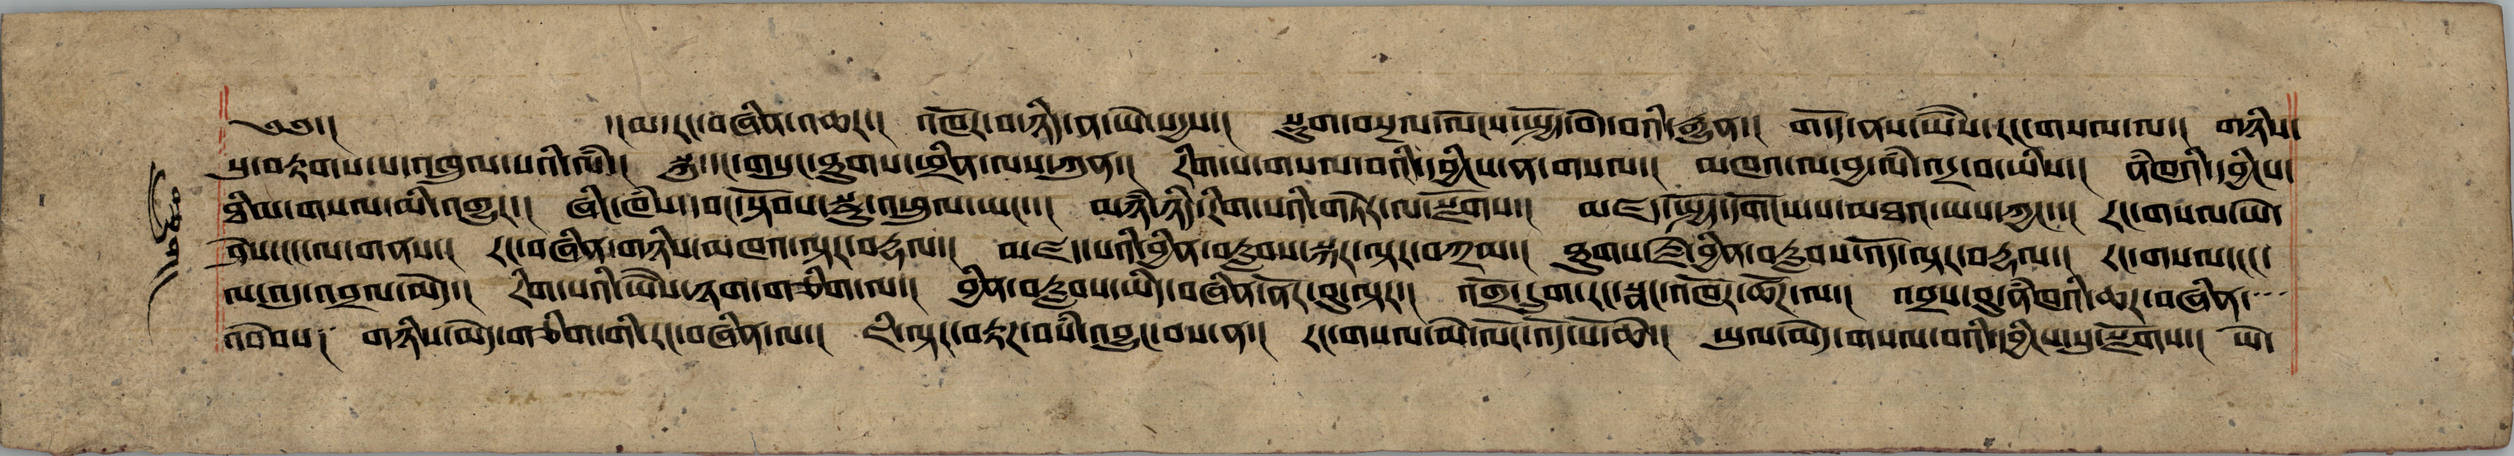༄༅་། ་།མ་རང་བཞིན་འཆར་། འཁོར་བ་ཉིད་ན་ཡེ་སདྱས་། སྡུག་བསྔལ་ལོངས་སྤྱོད་བདེ་བའི་རྒྱུན་། གདོད་ནས་ཡཻས་རང་གསལ་ལ་། གཉིས་
སུ་བརྟགས་པ་འཁྲུལ་པའི་ལཾ་། སྐུ་དང་གསུང་ཐུགས་ཕྲིན་ལས་ཀུན་། རིག་པ་གསལ་བའི་དབྱིངས་ན་གསལ་། མཁའ་ལ་བྱ་ལཾ་འདྲ་བ་ཡིས་། ནཾཁའི་དབྱིངས་
ཐིམ་གསལ་མི་འགྱུར་། ཞིང་ཁཾས་དབང་སྟོབས་སྫུ་འཕྲུལ་ཡང་་། མཉཾ་ཉིད་རིག་པའི་གཏེར་ལ་སྫོགས་། མཛད་སྤྱོད་དགོངས་པ་མཐའ་ཡས་ཀྱང་་། རང་གསལ་ཡེ་
ཤེས་ངང་ལ་གནས་། རང་བཞིན་གཉིས་མཁའ་ལྟར་བརྡལ་། མཛད་པའི་བྱིན་བརླབས་སྐར་ལྟར་བཀྲམ་། ཐུགས་རྗེ་བྱིན་བརླབས་འོད་ལྟར་བརྡལ་། རང་གསལ་ངང་
ལ་འདུ་འབྲལ་མེད་། རིག་པའི་ཡཻས་ཉག་གཅིག་ལ་། བྱིན་བརླབས་ཡིད་བཞིན་ནོར་བུ་ལྟར་། འགྲོ་དྲུག་རང་སྣང་འཁོར་ཚོཌ་ལ་། འབྲས་བུ་ནཾཁའི་ཆར་བཞིན་
འབེབས། གཉིས་མེད་གཅིག་གི་རང་བཞིན་ལ་། ཇི་ལྟར་བརྟཌ་བསཾ་འབྱུང་བས་ན་། རང་གསལ་མེ་ལོང་འོད་པོ་ཆེ་། ཡུལ་མེད་གསལ་བའི་དབྱིངས་སུ་སྫོགས་། ཡེ་